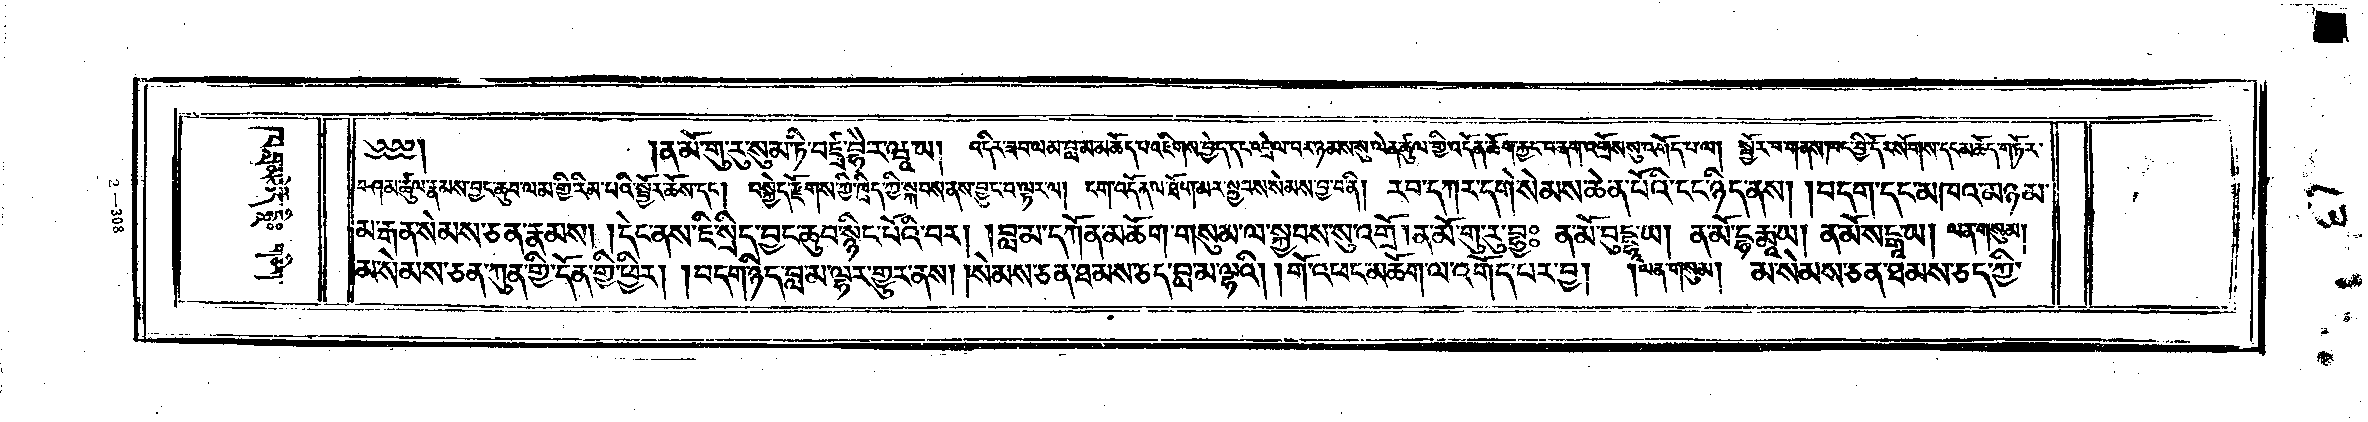༄༅༅། །ན་མོ་གུ་རུ་སུ་མ་ཏི་བཛྲ་བྷཻ་ར་ཝཱ་ཡ། འདིར་ཟབ་ལམ་བླ་མ་མཆོད་བྱེད་དང་འབྲེལ་བར་ཉམས་སུ་ལེན་ཚུལ་གྱི་འདོན་ཆོག་རྐྱང་པ་ནག་འགྲོས་སུ་འགོད་པ་ལ། སྦྱོར་བ་གནས་ཁང་བྱི་དོར་སོགས་དང་མཆོད་གཏོར་
བཤམ་ཚུལ་རྣམས་བྱང་ཆུབ་ལམ་གྱི་རིམ་པའི་སྦྱོར་ཆོས་དང་། བསྐྱེད་རྫོགས་ཀྱི་ཁྲེད་ཀྱི་སྐབས་ནས་བྱུང་བ་ལྟར་ལ། ངག་འདོན་ལ་ཐོག་མར་སྐྱབས་སེམས་བྱ་བ་ནི། རབ་དཀར་དགེ་སེམས་ཆེན་པོའི་ངང་ཉིད་ནས། །བདག་དང་མཁའ་མཉམ་
མ་རྒན་སེམས་ཅན་རྣམས། །དེང་ནས་ཇི་སྲིད་བྱང་ཆུབ་སྙིང་པོའི་བར། །བླ་མ་དཀོན་མཆོག་གསུམ་ལ་སྐྱབས་སུ་འགྲོ་།ན་མོ་གུ་རུ་བྷྱཿ ན་མོ་བུདྡྷཱ་ཡ། ན་མོ་དྷརྨ་ཡ། ན་མོ་སངྒཱ་ཡ། ལན་གསུམ།
མ་སེམས་ཅན་ཀུན་གྱི་དོན་གྱི་ཕྱིར། །བདག་ཉིད་བླ་མ་ལྷར་གྱུར་ནས། །སེམས་ཅན་ཐམས་ཅད་བླ་མ་ལྷའི། །གོ་འཕང་མཆོག་ལ་འགོད་པར་བྱ། །ལན་གསུམ།  མ་སེམས་ཅན་ཐམས་ཅད་ཀྱི་